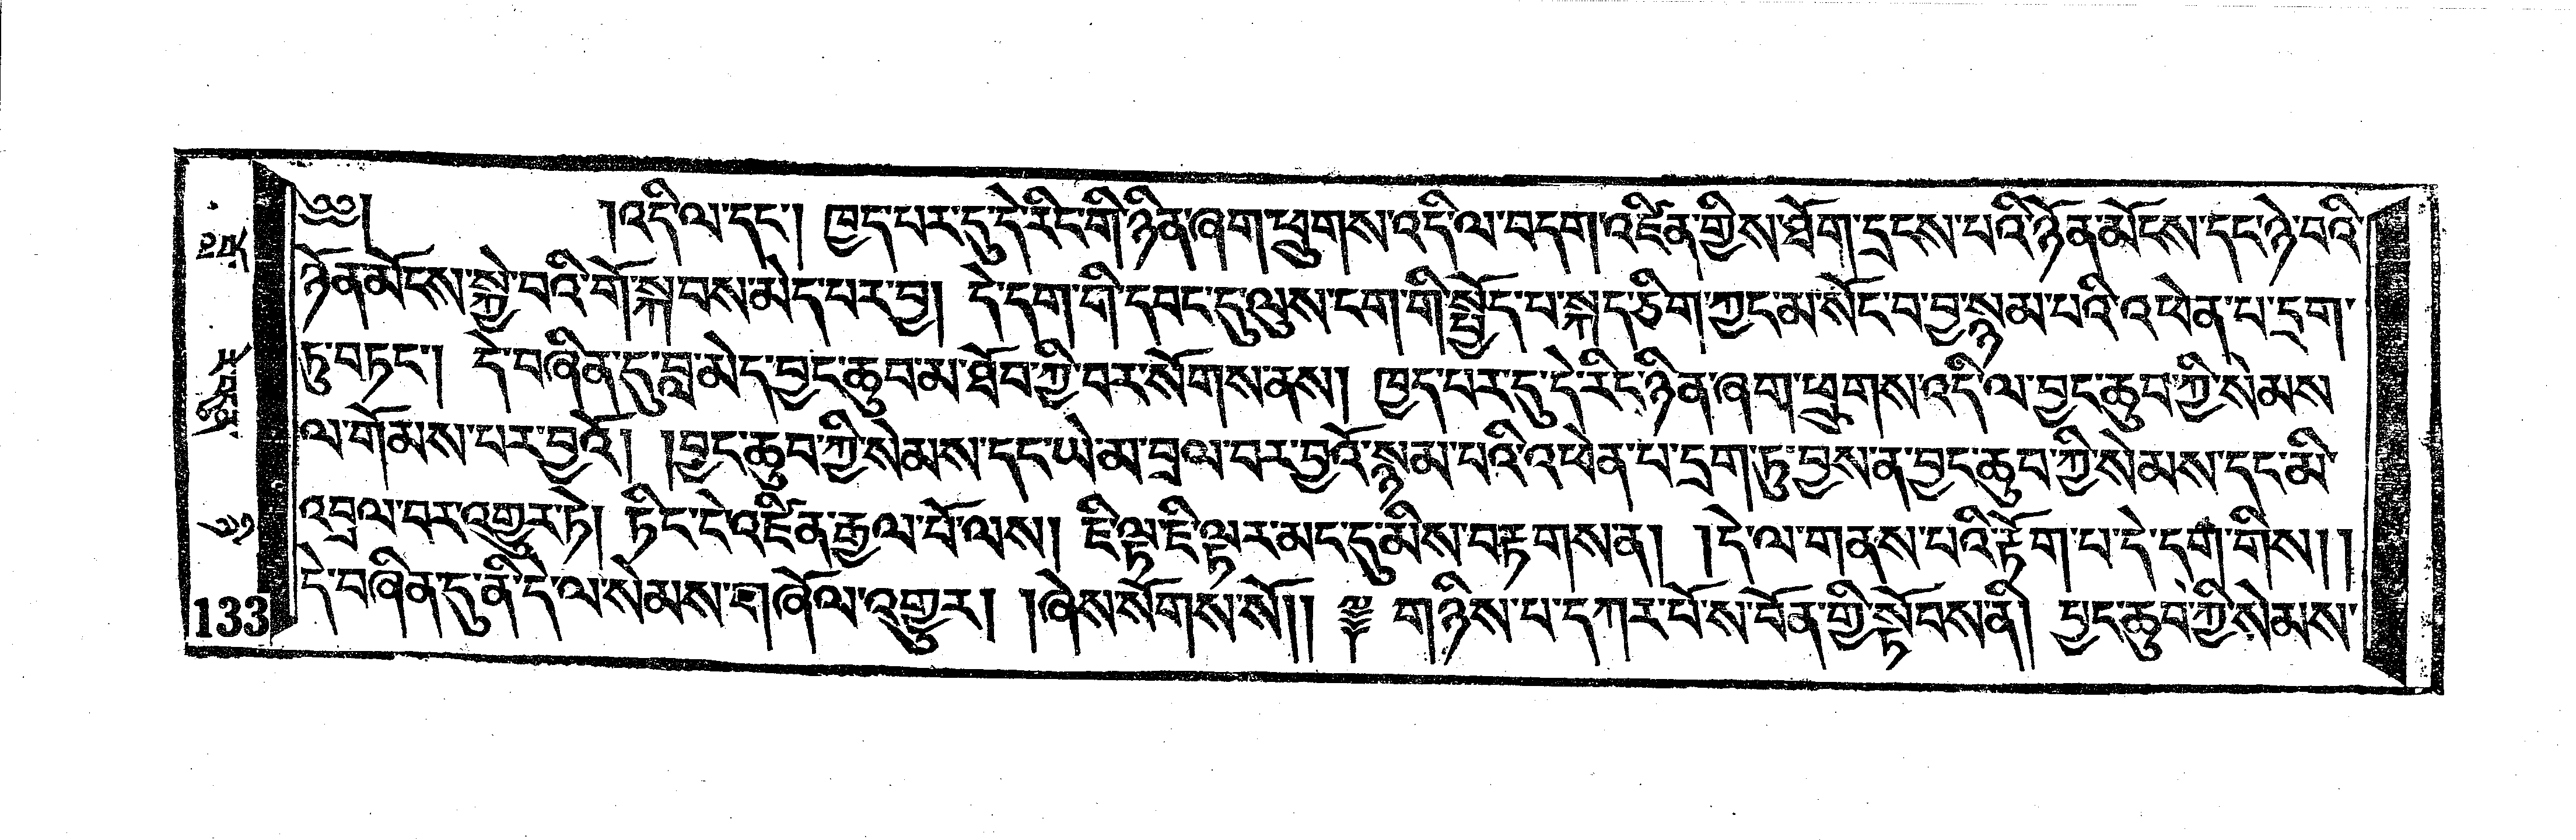༄༅། །འདི་ལ་དང་། ཁྱད་པར་དུ་དེ་རིང་གི་ཉིན་ཞག་ཕྲུགས་འདི་ལ་བདག་འཛིན་གྱིས་ཐོག་དྲངས་པའི་ཉོན་མོངས་དང་ཉེ་བའི་
ཉོན་མོངས་སྐྱེ་བའི་གོ་སྐབས་མེད་པར་བྱ། དེ་དག་གི་དབང་དུ་ལུས་ངག་གི་སྤྱོད་པ་སྐད་ཅིག་ཀྱང་མ་སོང་བ་བྱ་སྙམ་པའི་འཕེན་པ་དྲག་
ཏུ་བཏང་། དེ་བཞིན་དུ་བླ་མེད་བྱང་ཆུབ་མ་ཐོབ་ཀྱི་བར་སོགས་ནས། ཁྱད་པར་དུ་དེ་རིང་ཉིན་ཞག་ཕྲུགས་འདི་ལ་བྱང་ཆུབ་ཀྱི་སེམས་
ལ་གོམས་པར་བྱའོ། །བྱང་ཆུབ་ཀྱི་སེམས་དང་ཡེ་མ་བྲལ་བར་བྱའོ་སྙམ་པའི་འཕེན་པ་དྲག་ཏུ་བྱས་ན་བྱང་ཆུབ་ཀྱི་སེམས་དང་མི་
འབྲལ་བར་འགྱུར་ཏེ། ཏིང་ངེ་འཛིན་རྒྱལ་པོ་ལས། ཇི་ལྟ་ཇི་ལྟར་མང་དུ་མིས་བརྟགས་ན། །དེ་ལ་གནས་པའི་རྟོག་པ་དེ་དག་གིས། །
དེ་བཞིན་དུ་ནི་དེ་ལ་སེམས་གཞོལ་འགྱུར། །ཞེས་སོགས་སོ།། ༈ གཉིས་པ་དཀར་པོ་ས་བོན་གྱི་སྟོབས་ནི། བྱང་ཆུབ་ཀྱི་སེམས་